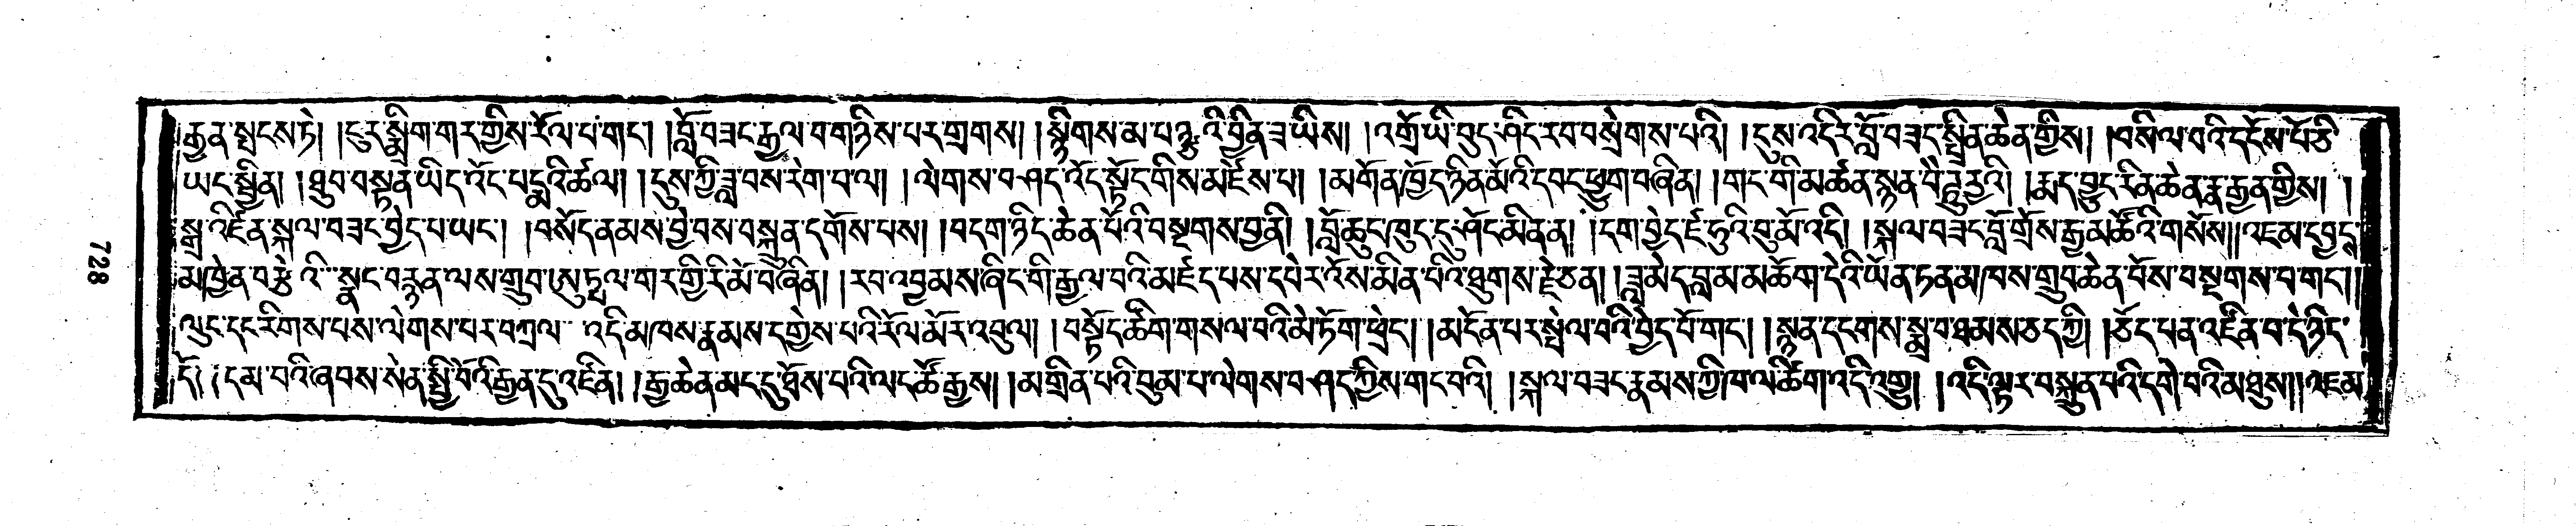རྒྱན་སྤངས་ཏེ། །ངུར་སྨྲིག་གར་གྱིས་རོལ་པ་གང་། །བློ་བཟང་རྒྱལ་བ་གཉིས་པར་གྲགས། །སྙིགས་མ་པཉྩའི་བྱིན་ཟ་ཡིས། །འགྲོ་ཡི་བུད་ཤིང་རབ་བསྲེགས་པའི། །དུས་འདིར་བློ་བཟང་སྤྲིན་ཆེན་གྱིས། །བསིལ་བའི་དངོས་པོ་ཅི་
ཡང་སྦྱིན། །ཐུབ་བསྟན་ཡིད་འོང་པདམའི་ཚལ། །དུས་ཀྱི་ཟླ་བས་རེག་པ་ལ། །ལེགས་བཤད་འོད་སྟོང་གིས་མཛེས་པ། །མགོན་ཁྱོད་ཉིན་མོའི་དབང་ཕྱུག་བཞིན། །གང་གི་མཚན་སྙན་བཻ་ཌཱུརྱའི། །རྨད་བྱུང་རིན་ཆེན་རྣ་རྒྱན་གྱིས། །
སྒྲ་འཛིན་སྐལ་བཟང་བྱེད་པ་ཡང་། །བསོད་ནམས་བྱེ་བས་བསྐྲུན་དགོས་པས། །བདག་ཉིད་ཆེན་པོའི་བསྔགས་བྱ་ནི། །བློ་ཆུང་ཁུང་དུ་ཤོང་མིན་ན། །དག་བྱེད་ཛ་ཧུའི་བུ་མོ་འདི། །སྐལ་བཟང་བློ་གྲོས་རྒྱ་མཚོའི་གསོས། །འཇམ་དབྱངས་
མཁྱེན་བརྩེའི་སྣང་བརྙེན་ལས་གྲུབ་ཨུཏྤལ་གར་གྱི་རི་མོ་བཞིན། །རབ་འབྱམས་ཞིང་གི་རྒྱལ་བའི་མཛད་པས་དཔེར་འོས་མིན་པའི་ཐུགས་རྗེ་ཅན། །ཟླ་མེད་བླ་མ་མཆོག་དེའི་ཡོན་ཏན་མཁས་གྲུབ་ཆེན་པོས་བསྔགས་པ་གང་། །
ལུང་དང་རིགས་པས་ལེགས་པར་བཀྲལ་འདི་མཁས་རྣམས་དགྱེས་པའི་རོལ་མོར་འབུལ། །བསྟོད་ཚིག་གསལ་བའི་མེ་ཏོག་ཕྲེང་། །མངོན་པར་སྤེལ་བའི་བྱེད་པོ་གང་། །སྙན་དངགས་སྨྲ་བ་ཐམས་ཅད་ཀྱི། །ཅོད་པན་འཛིན་པ་དེ་ཉིད་
དོ། །དམ་པའི་ཞབས་སེན་སྤྱི་བོའི་རྒྱན་དུ་འཛིན། །རྒྱ་ཆེན་མང་དུ་ཐོས་པའི་ལང་ཚོ་རྒྱས། །མགྲིན་པའི་བུམ་པ་ལེགས་བཤད་ཀྱིས་གང་བའི། །སྐལ་བཟང་རྣམས་ཀྱི་ཁ་ལ་ཚིག་འདི་འགྱུ། །འདི་ལྟར་བསྐྲུན་པའི་དགེ་བའི་མཐུས། །འཇམ་